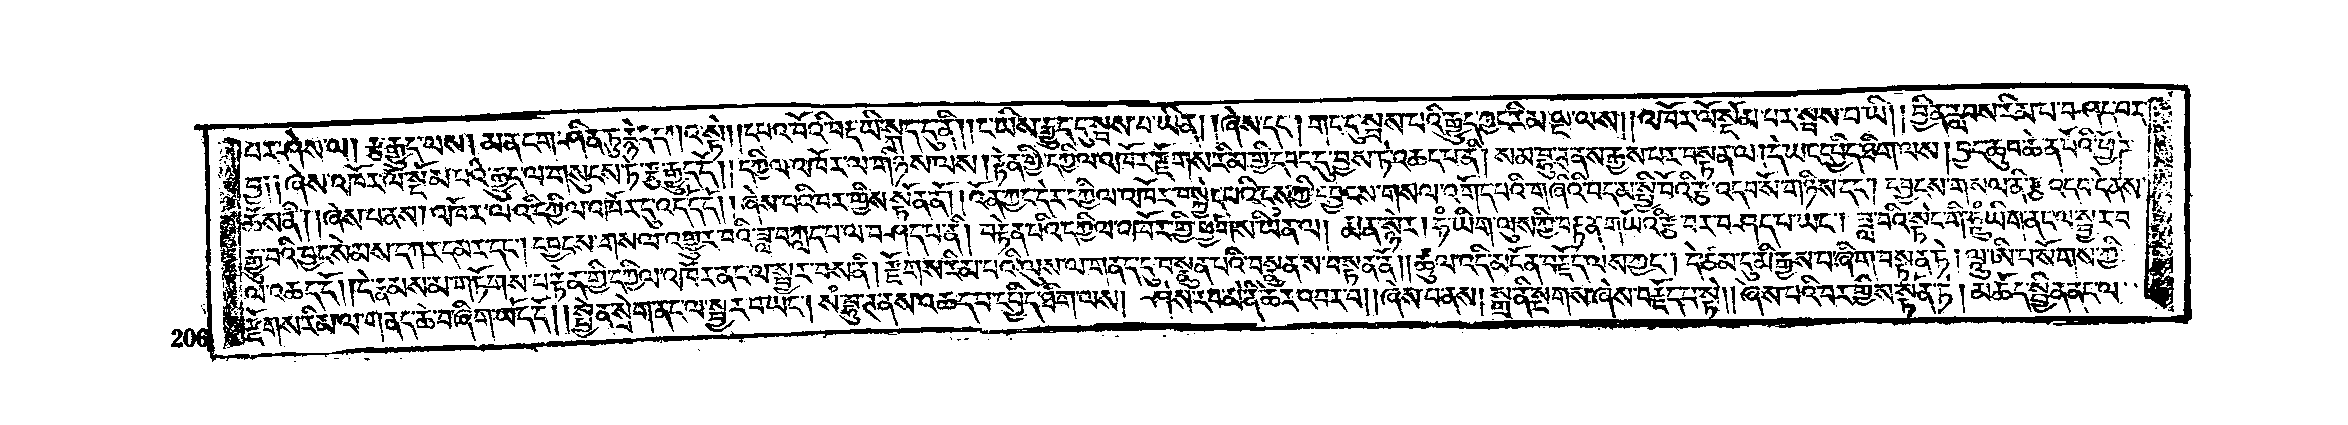པར་ཤེས་ལ། རྩ་རྒྱུད་ལས། མན་ངག་ཤིན་ཏུ་རྙེད་དཀའ་སྟེ། །དཔའ་བོའི་བརྡ་ཡི་སྐད་དུ་ནི། །ང་ཡིས་རྒྱུད་དུ་སྦས་པ་ཡིན། །ཞེས་དང་། གང་དུ་སྦས་པའི་རྒྱུད་ཀྱང་རིམ་ལྔ་ལས། །འཁོར་ལོ་སྡོམ་པར་སྦས་པ་ཡི། །བྱིན་རླབས་རིམ་པ་བཤད་པར་
བྱ། །ཞེས་འཁོར་ལོ་སྡོམ་པའི་རྒྱུད་ལ་གསུངས་ཏེ་རྩ་རྒྱུད་དོ། །དཀྱིལ་འཁོར་ལ་གཉིས་ལས། རྟེན་གྱི་དཀྱིལ་འཁོར་རྫོགས་རིམ་གྱི་དབང་དུ་བྱས་ཏེ་འཆད་པ་ནི། སམ་བྷུ་ཊ་ནས་རྒྱས་པར་བསྟན་ལ། དེ་ཡང་དཔྱིད་ཐིག་ལས། བྱང་ཆུབ་ཆེན་པོའི་ཕྱོགས་
ཆོས་ནི། །ཞེས་པ་ནས། འཁོར་ལོའི་དཀྱིལ་འཁོར་དུ་འདོད་དོ། །ཞེས་པའི་བར་གྱིས་སྟོན་ནོ། །འོན་ཀྱང་དེར་དཀྱིལ་འཁོར་བསྐྱེད་པའི་དུས་ཀྱི་དབྱངས་གསལ་འགོད་པའི་གཞིའི་པད་མ་སྤྱི་བོའི་རྩ་འདབ་སོ་གཉིས་དང་། དབྱངས་གསལ་ནི་རྩ་འདབ་དེ་ནས་
རྒྱུ་བའི་བྱང་སེམས་དཀར་དམར་དང་། དབྱངས་གསལ་འགྱུར་བའི་ཟླ་བ་ཀླད་པ་ལ་བཤད་པ་ནི། བརྟེན་པའི་དཀྱིལ་འཁོར་གྱི་ཕྱོགས་ཡིན་ལ། མན་སྙེར། ཧཾ་ཡིག་ལུས་ཀྱི་བརྟན་གཡོའི་རྩ་བར་བཤད་པ་ཡང་། ཟླ་བའི་སྟེང་གི་ཧཱུཾ་ཡིག་ནང་ལ་སྦྱར་བ་
ལ་འཆད་དོ། །དེ་རྣམས་མ་གཏོགས་པ་རྟེན་གྱི་དཀྱིལ་འཁོར་ནང་ལ་སྦྱར་བས་ནི། རྫོགས་རིམ་པའི་ལུས་ལ་གནད་དུ་བསྣུན་པའི་བསྣུན་ས་བསྟན་ནོ། །ཚུལ་འདི་མངོན་བརྗོད་ལས་ཀྱང་། དེ་ཙམ་དུ་མི་རྒྱས་པ་ཞིག་བསྟན་ཏེ། ལཱུ་ཨི་པ་སོགས་ཀྱི་
རྫོགས་རིམ་ལ་གནད་ཆེ་བ་ཞིག་ཡོད་དོ། །སྦྱིན་སྲེག་ནང་ལ་སྦྱར་བ་ཡང་། སཾ་བྷུ་ཊ་ནས་འཆད་པ་དཔྱིད་ཐིག་ལས། ཤེས་རབ་མེ་ནི་ཆར་འབར་བ། །ཞེས་པ་ནས། སྒྲ་ནི་སྔགས་ཞེས་བརྗོད་པ་སྟེ། །ཞེས་པའི་བར་གྱིས་སྟོན་ཏེ། མཆོད་སྦྱིན་ནང་ལ་